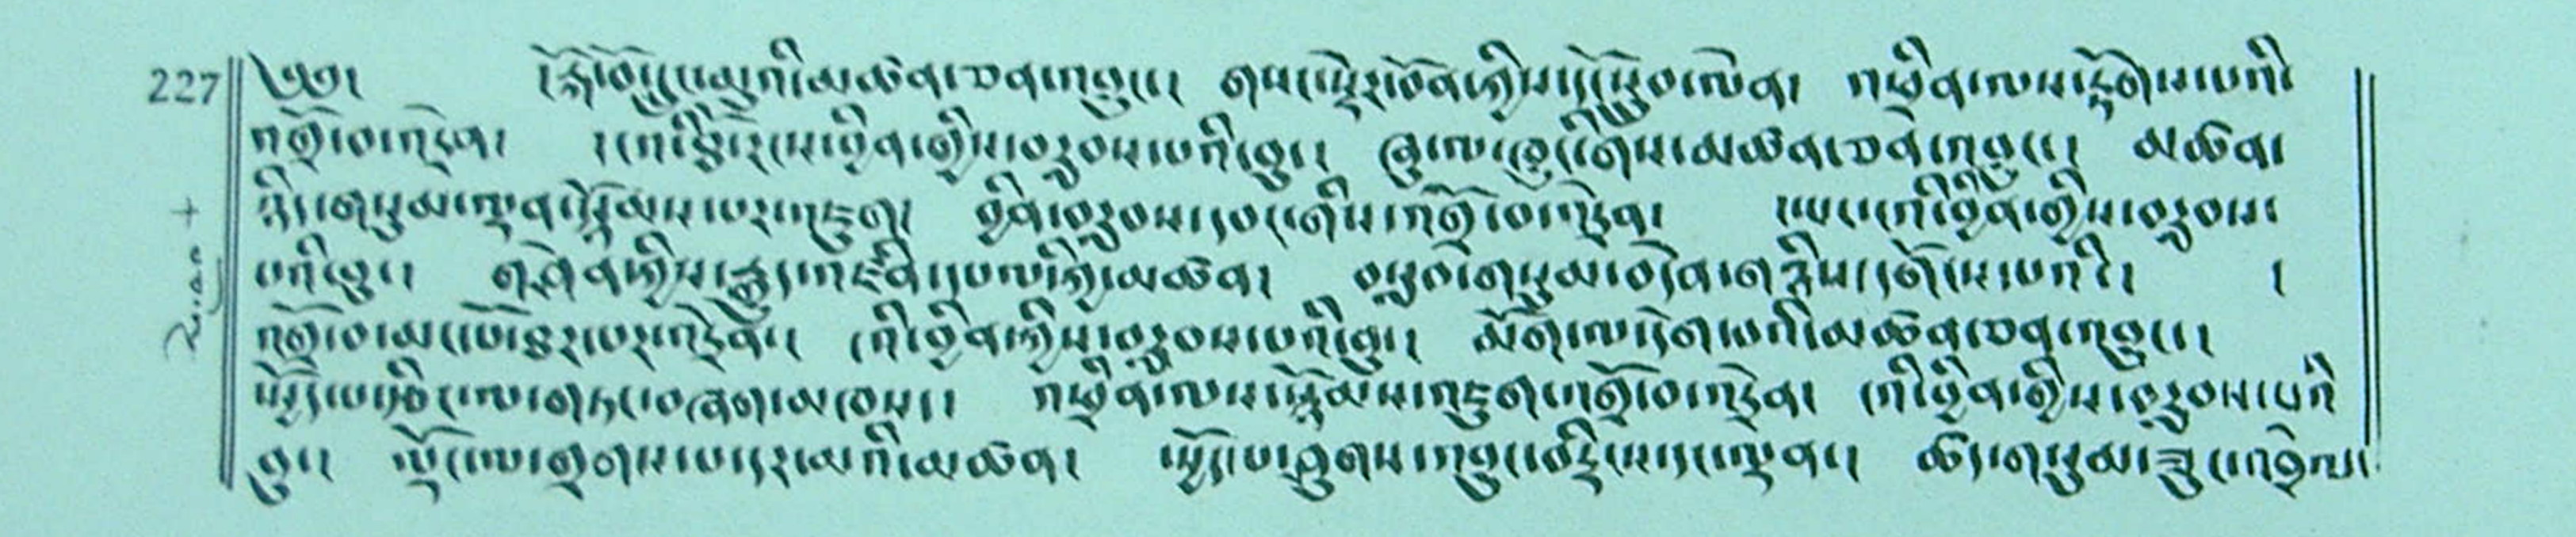རྐོ་བོ་དྲུང་མུའི་མཚན་ཅན་འབྱུང་། གསང་གཏེར་བོན་གྱི་དངོས་གྲུབ་ལེན། འཕྲིན་ལས་རྟོགས་པའི་
འགྲོ་བ་འདྲེན། ང་ཡིས་ཐོ་རངས་བྱིན་གྱིས་རླབས་པའི་བུ། ཞུ་ལ་ཁྱུང་གི་མཚན་ཅན་འབྱུང་། མཚན་
ཉིད་གསུམ་ལྡན་སྙོམས་པར་འཇུག བྱིན་རླབས་དབང་གིས་འགྲོ་བ་འདྲེན། ཡང་ངའི་བྱིན་གྱིས་རླབས་
པའི་བུ། གཤེན་གྱིས་རྒྱུད་འཛིན་དཔལ་གྱི་མཚན། བསླབ་གསུམ་བདེན་གཉིས་དགོངས་པའི། 
འགྲོ་བ་མང་པོ་ཐར་བར་འདྲེན། ང་ཡིས་བྱིན་གྱིས་རླབས་པའི་བུ། མགོ་ལ་དགེ་བའི་མཚན་ཅན་འབྱུང་། 
སྤྱོད་པ་རྩིང་ལ་གཏང་བཞག་མཁས། འཕྲིན་ལས་སྙོམས་འཇུག་འགྲོ་བ་འདྲེན། ངའི་བྱིན་གྱིས་རླབས་པའི་
བུ། ལྡོང་ལ་གྲགས་པ་དར་མའི་མཚན། སྤྱོད་པ་ཤུགས་འབྱུང་བརྡེངས་དང་ལྡན། ཚད་གསུམ་ཟུང་འབྲེལ་